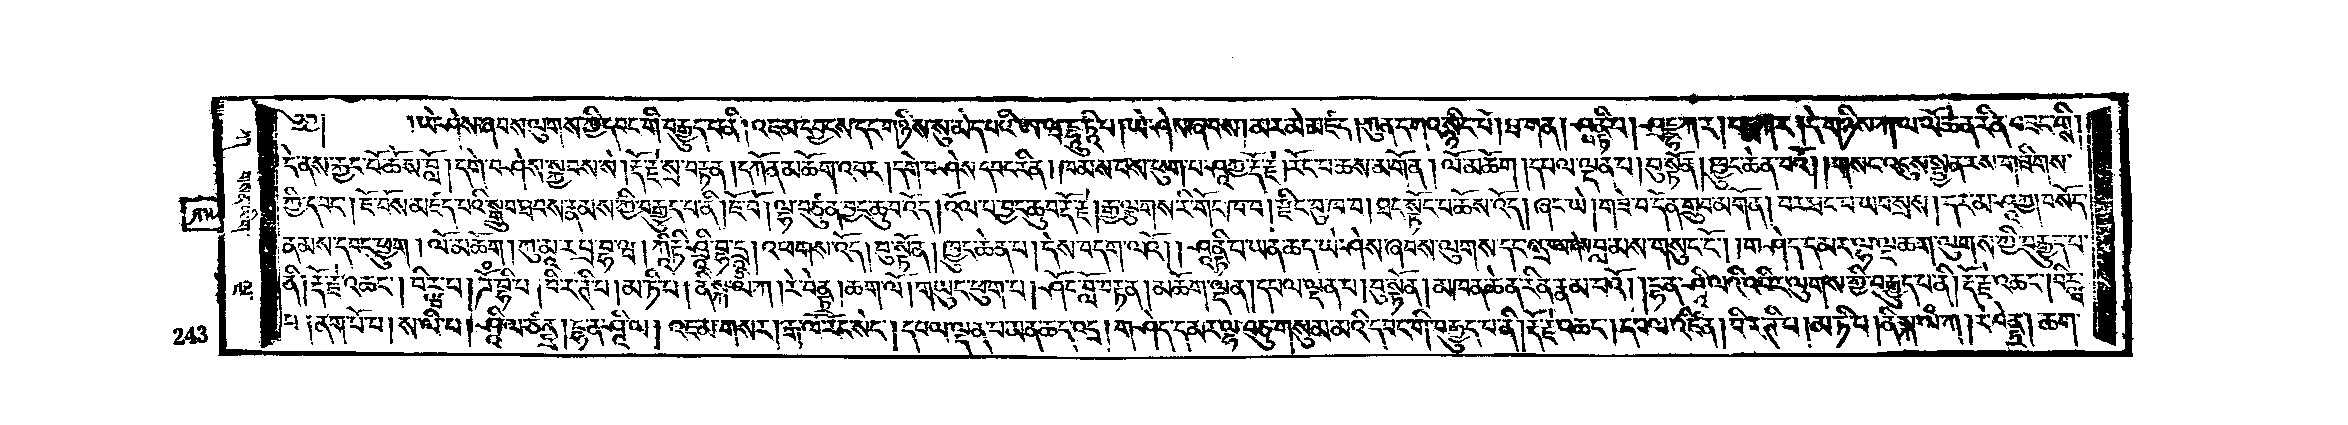༄༅། །ཡེ་ཤེས་ཞབས་ལུགས་ཀྱི་དབང་གི་བརྒྱུད་པ་ནི། འཇམ་དབྱངས་དང་གཉིས་སུ་མེད་པའི་ཨ་ཝ་དྷཱུ་ཏཱི་པ། ཡེ་ཤེས་ཞབས། མར་མེ་མཛད། ཀུན་དགའ་སྙིང་པོ། ཐ་གན། ཤྰྣྟི་པ། ཤྲདྡྷ་ཀ་ར། པདམ་ཀ་ར། དེ་གཉིས་ཀ་ལ་ལོ་ཆེན་རིན་བཟང་གིས།
དེ་ནས་རྐྱང་པོ་ཆོས་བློ། དགེ་བཤེས་སྐྱབས་སེ། རྡོ་རྗེ་སྲ་བརྟན། དཀོན་མཆོག་འབར། དགེ་བཤེས་དབང་རིན། ཁམས་པས་ཕུག་པ་ཤཱཀྱ་རྡོ་རྗེ། རོང་པ་ཆས་མགོན། ལོ་མཆོག །དཔལ་ལྡན་པ། བུ་སྟོན། ཁྱུང་ཆེན་བའོ། །གསང་འདུས་སྤྱན་རས་གཟིགས་
ཀྱི་དབང་། ཇོ་བོས་མཛད་པའི་སྒྲུབ་ཐབས་རྣམས་ཀྱི་བརྒྱུད་པ་ནི། ཇོ་བོ། ལྷ་བཙུན་བྱང་ཆུབ་འོད། འོལ་པ་བྱང་ཆུབ་རྡོ་རྗེ། རྒྱ་ལྕགས་རི་གོང་ཁ་བ། རྫིང་བུ་ཁ་བ། ཐང་སྟོང་པ་ཆོས་འོད། ཞང་ཡེ། གཟེ་བ་དོན་གྲུབ་མགོན། བར་ཐང་པ་ཡབ་སྲས། དར་མ་ཤཱཀྱ། བསོད་
ནམས་དབང་ཕྱུག །ལོ་མཆོག །ཀུ་མཱ་ར་པྲ་བྷ་ཝ། ཀཱིརྟི། ཤྲཱི་བྷ་དྲའ། འཕགས་འོད། བུ་སྟོན། ཁྱུང་ཆེན་པ། དེས་བདག་ལའོ། །ཤྰྣྟི་པ་ཡན་ཆད་ཡེ་ཤེས་ཞབས་ལུགས་དང་འདྲ་བ་མ་ཞེས་བླ་མས་གསུང་ངོ། །གཤེད་དམར་ལྷ་ལྔ་ཆག་ལུགས་ཀྱི་བརྒྱུད་པ་
ནི། རྡོ་རྗེ་འཆང་། བིརྭ་པ། ཌོཾ་བྷི་པ། བི་ར་ཊི་པ། མ་ཏི་པ། ནི་སྐ་ལ་ཀ། རེ་བེནྟྲ། ཆག་ལོ། གཡུང་ཕུག་པ། ཤོང་བློ་བརྟན། མཆོག་ལྡན། དཔལ་ལྡན་པ། བུ་སྟོན། མཁན་ཆེན་རིན་རྣམ་པའོ། །དྷ་ན་ཤཱི་ལའི་འབིར་ལུགས་ཀྱི་རྒྱུད་པ་ནི། རྡོ་རྗེ་འཆང་། བིརྭ་
པ། ནག་པོ་པ། ས་ལི་པ། ཤཱི་ལ་ཙནྡྲ། དྷ་ན་ཤཱི་ལ། འཇམ་གསར། རྒ་ལོ་རོང་སེང་། དཔལ་ལྡན་པ་མན་ཆད་འདྲ། གཤེད་དམར་ལྷ་བཅུ་གསུམ་མའི་དབང་གི་བརྒྱུད་པ་ནི། རྡོ་རྗེ་འཆང་། དཔལ་འཛིན། བི་ར་ཊི་པ། མ་ཏེ་པ། ནི་སྐ་ལཾ་ཀ། རེ་བེནདྲ། ཆག་